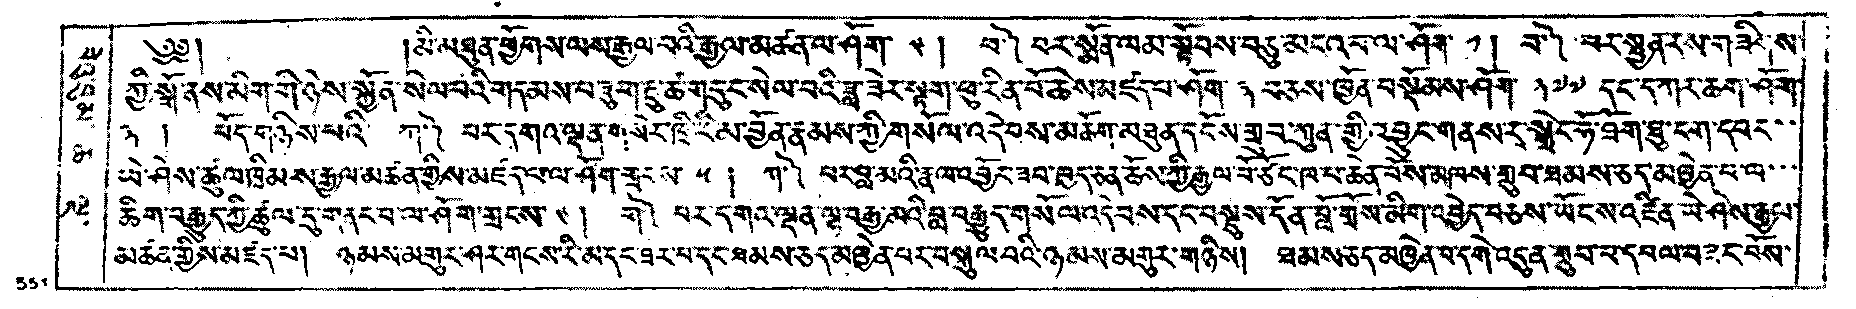༄༅། །མི་མཐུན་ཕྱོགས་ལས་རྒྱལ་བའི་རྒྱལ་མཚན་ལ་ཤོག ༤། ཕ྄་པར་སྨོན་ལམ་སྟོབས་བཅུ་མངའ་བ་ལ་ཤོག ༡། བ྄་པར་སྤྱན་རས་གཟིགས་
ཀྱི་སྒོ་ནས་མིག་གི་ཉེས་སྐྱོན་སེལ་བའི་གདམས་པ་ཟུག་རྔུ་ཚ་གདུང་སེལ་བའི་ཟླ་ཟེར་སྟག་ཕུ་རིན་པོ་ཆེས་མཛད་པ་ཤོག ༣་བཅས་ཁྱོན་བསྡོམས་ཤོག ༢༧༧་དང་དཀར་ཆག་ཤོག་
༣། པོད་གཉིས་པའི་ཀ྄་པར་དགའ་ལྡན་གསེར་ཁྲི་རིམ་བྱོན་རྣམས་ཀྱི་གསོལ་འདེབས་མཆོག་མཐུན་དངོས་གྲུབ་ཀུན་གྱི་འབྱུང་གནས་རྭ་སྒྲེང་ཧོ་ཐོག་ཐུ་ངག་དབང་
ཡེ་ཤེས་ཚུལ་ཁྲིམས་རྒྱལ་མཚན་གྱིས་མཛད་པ་ལ་ཤོག་གྲངས ༥། ཀ྄་པར་བླ་མའི་རྣལ་འབྱོར་ཟབ་ཁྱད་ཅན་ཆོས་ཀྱི་རྒྱལ་པོ་ཙོང་ཁ་པ་ཆེན་པོས་མཁས་གྲུབ་ཐམས་ཅད་མཁྱེན་པ་ལ་
ཚིག་བརྒྱུད་ཀྱི་ཚུལ་དུ་གནང་བ་ལ་ཤོག་གྲངས ༤། པར་དགའ་ལྡན་ལྷ་བརྒྱ་མའི་བླ་བརྒྱུད་གསོལ་འདེབས་དང་བསྡུས་དོན་བློ་གྲོས་མིག་འབྱེད་བཅས་ཡོངས་འཛིན་ཡེ་ཤེས་རྒྱལ་
མཚན་གྱིས་མཛད་པ། ཉམས་མགུར་ཤར་གངས་རི་མ་དང་ཐར་པ་དང་ཐམས་ཅད་མཁྱེན་པར་བསྐུལ་བའི་ཉམས་མགུར་གཉིས། ཐམས་ཅད་མཁྱེན་པ་དགེ་འདུན་གྲུབ་པ་དཔལ་བཟང་པོས་